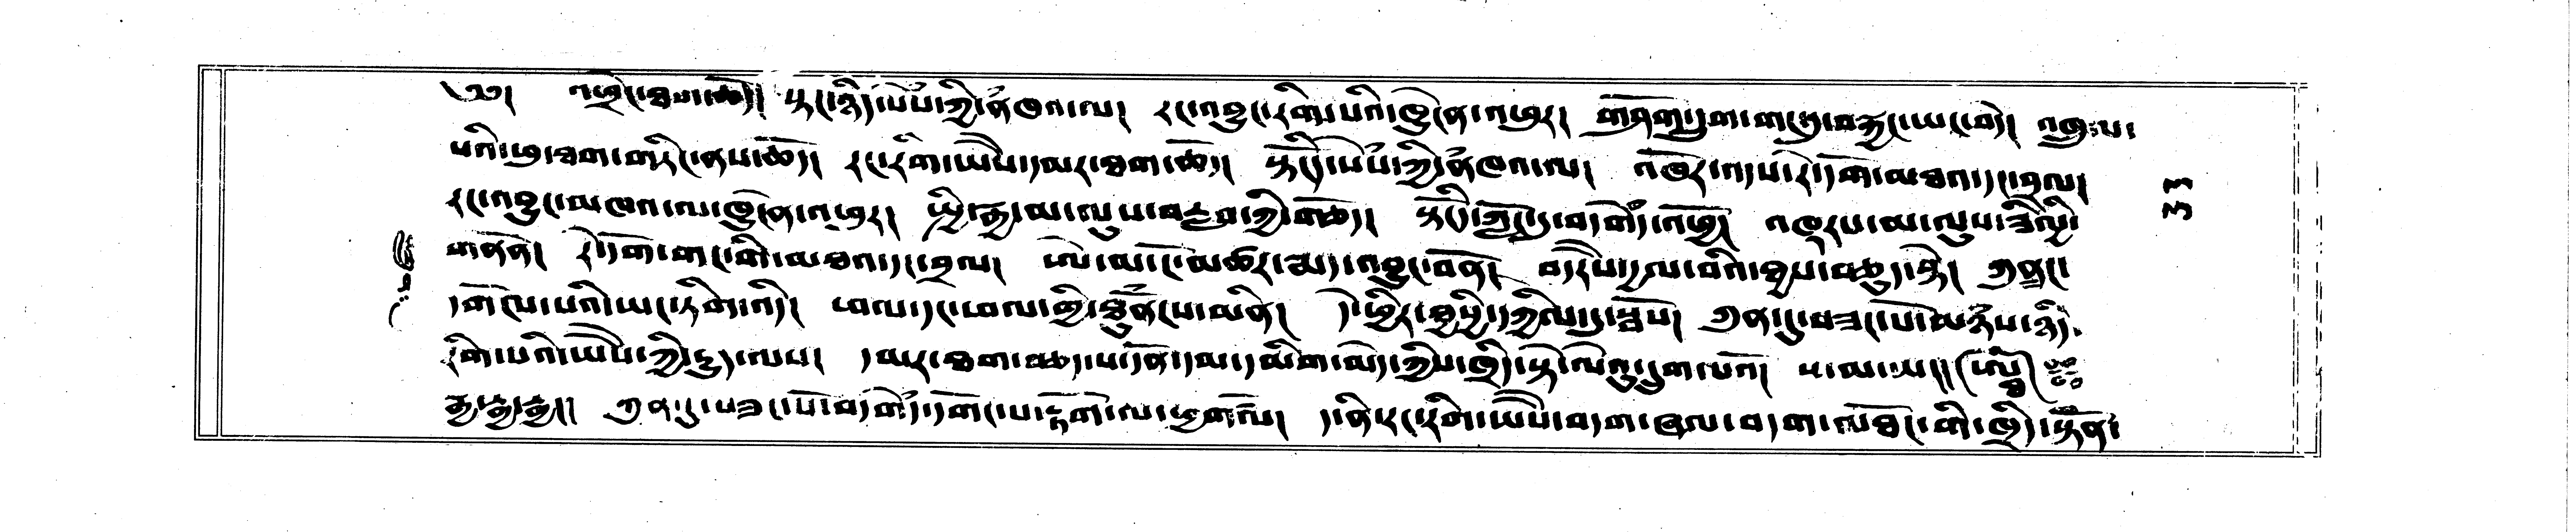འཕྲེང་ཐག་ཆོད། སྟོང་ཉིད་སེམས་ཀྱི་ནམ་མཁའ་ལ། རང་འབྱུང་རིག་པའི་ཁྱུང་ཆེན་འཕུར། གཤོག་དྲུག་གང་དུ་བསྐྱང་ཡང་བདེ། འཕྲུལ་
པའི་ཕུ་ཐག་གཏིང་ནས་ཆོད། རང་རིག་ཡེ་ཤེས་དམར་ཐག་ཆོད། སྟོང་ཉིད་སེམས་ཀྱི་ནམ་མཁའ་ལ། འཁོར་འདས་རེ་དྭོགས་མཐའ་དང་བྲལ། 
རང་འབྱུང་མཁའ་ལ་ཁྱུང་ཆེན་འཕུར། སྤྱི་རྒྱ་མ་ལུས་རླབས་ཀྱིས་གཅོད། སྟོང་ཉིད་ཀློང་དུ་བདག་མེད་འཕྱོ། འཁོར་འདས་མ་ལུས་ཟིལ་གྱིས་
གནོན། རེ་དྭོགས་གང་གི་མཐའ་དང་བྲལ། ཨེ་མ་ངོ་མཚར་རྨད་བྱུང་བོན། བདེར་གཤེགས་རྒྱལ་བའི་ཐུགས་བཅུད་སྟེ། ཀུན་བཟང་
དགོངས་པའི་ཡང་ཏིག་འདི། ཕལ་དང་ཕལ་གྱི་ཐུན་མོང་མིན། དེ་ཕྱིར་ཐུགས་ཀྱི་དཀྱིལ་དུ་སྦོས། ཀུན་ཏུ་བཟང་པོ་མཉམ་ཉིད་
རིག་པའི་ཡེ་ཤེས་ཀྱི་རྒྱུད་ལས། དམར་ཐག་བཅད་པ་དོན་དམ་དམིགས་མེད་ཀྱི་ཁྲིད་སྟེ་ལེའུ་དྲུག་པའོ། །ས་མ་ཡ། ༼ཨྠི༽
རྒྱ་རྒྱ་རྒྱ། །ཀུན་ཏུ་བཟང་པོ་བདག་མེད་དགོངས་པ་རྟོགས་ལ་ཕྱག་འཚལ་ལོ། །ད་ནི་རང་རིག་ཡེ་ཤེས་བདག་ཞལ་བདག་མཐོང་གི་ཁྲིད་སྟོན་